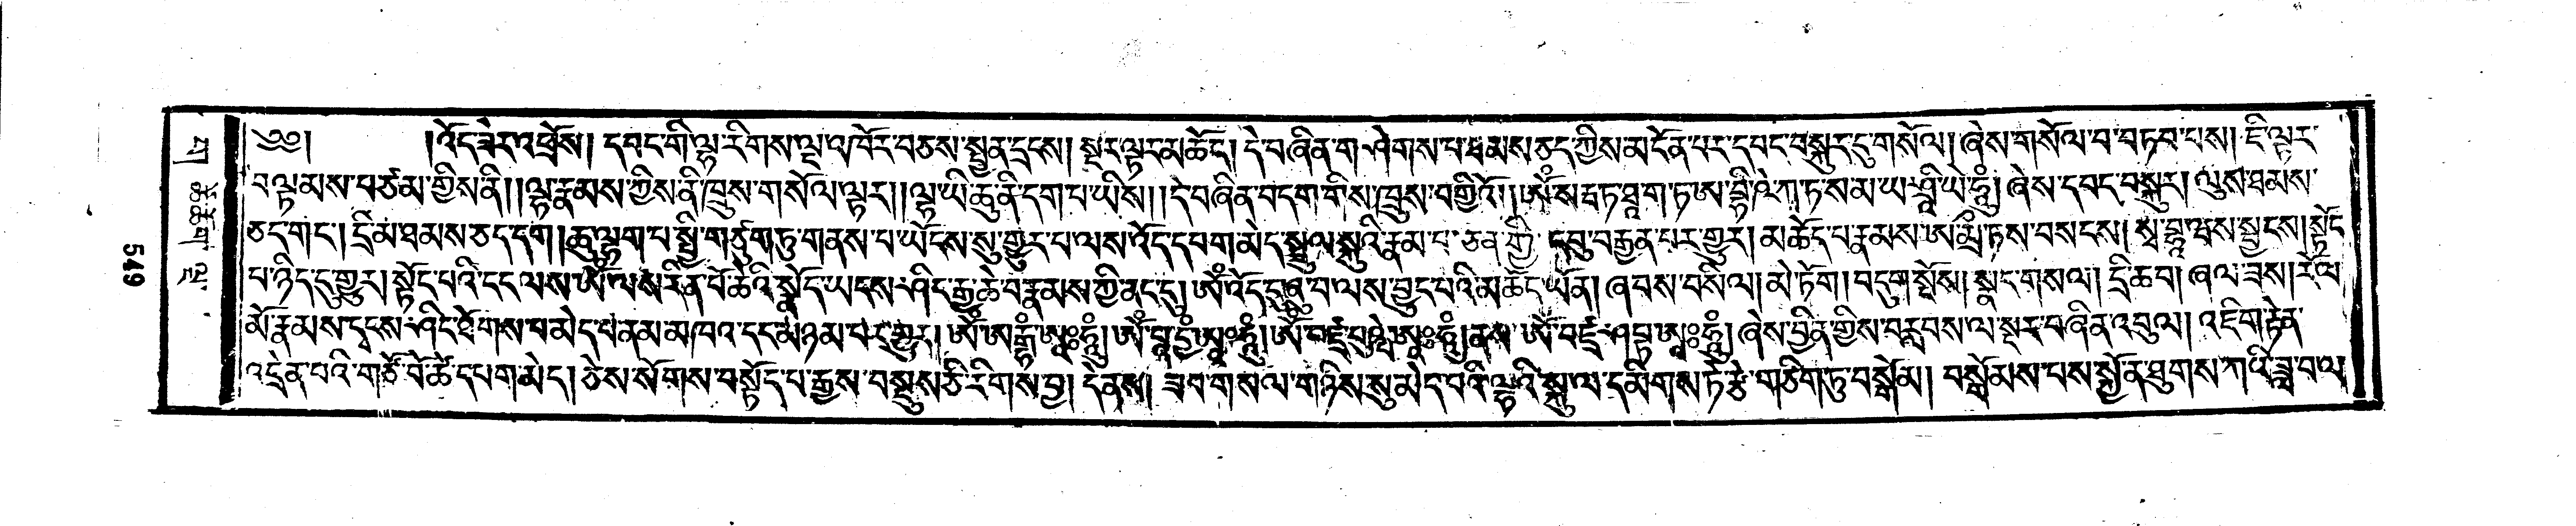༄༅། །འོད་ཟེར་འཕྲོས། དབང་གི་ལྷ་རིགས་ལྔ་འཁོར་བཅས་སྤྱན་དྲངས། སྔར་ལྟར་མཆོད། དེ་བཞིན་གཤེགས་པ་ཐམས་ཅད་ཀྱིས་མངོན་པར་དབང་བསྐུར་དུ་གསོལ། ཞེས་གསོལ་བ་བཏབ་པས། ཇི་ལྟར་
བལྟམས་པ་ཙམ་གྱིས་ནི། །ལྷ་རྣམས་ཀྱིས་ནི་ཁྲུས་གསོལ་ལྟར། །ལྷ་ཡི་ཆུ་ནི་དག་པ་ཡིས། །དེ་བཞིན་བདག་གིས་ཁྲུས་བགྱིའོ། །ཨོཾ་སརྦ་ཏ་ཐཱ་ག་ཏ་ཨ་བྷི་ཥེ་ཀ་ཏ་ས་མ་ཡ་ཤྲཱི་ཡེ་ཧཱུཾ། ཞེས་དབང་བསྐུར། ལུས་ཐམས་
ཅད་གང་། དྲི་མ་ཐམས་ཅད་དག །ཆུ་ལྷག་པ་སྤྱི་གཙུག་ཏུ་གནས་པ་ཡོངས་སུ་གྱུར་པ་ལས་འོད་དཔག་མེད་སྤྲུལ་སྐུའི་རྣམ་པ་ཅན་གྱིས་དབུ་བརྒྱན་པར་གྱུར། མཆོད་པ་རྣམས་ཨ་མྲྀ་ཏས་བསངས། སྭ་བྷཱ་ཝས་སྦྱངས། སྟོང་
པ་ཉིད་དུ་གྱུར། སྟོང་པའི་ངང་ལས་ཨོཾ་ལས་རིན་པོ་ཆེའི་སྣོད་ཡངས་ཤིང་རྒྱ་ཆེ་བ་རྣམས་ཀྱི་ནང་དུ། ཨོཾ་འོད་དུ་ཞུ་བ་ལས་བྱུང་བའི་མཆོད་ཡོན། ཞབས་བསིལ། མེ་ཏོག །བདུག་སྤོས། སྣང་གསལ། དྲི་ཆབ། ཞལ་ཟས། རོལ་
མོ་རྣམས་དྭངས་ཤིང་ཐོགས་པ་མེད་པ་ནམ་མཁའ་དང་མཉམ་པར་གྱུར། ཨོཾ་ཨརྒྷཾ་ཨཱཿ ཧཱུཾ། ཨོཾ་པཱ་དྱཾ་ཨཱཿ ཧཱུཾ། ཨོཾ་བཛྲ་པུཥྤེ་ཨཱཿ ཧཱུཾ། ནས་ཨོཾ་བཛྲ་ཤཔྟ་ཨཱཿ ཧཱུཾ། ཞེས་བྱིན་གྱིས་བརླབས་ལ་སྔར་བཞིན་འབུལ། འཇིག་རྟེན་
འདྲེན་པའི་གཙོ་བོ་ཚེ་དཔག་མེད། ཅེས་སོགས་བསྟོད་པ་རྒྱས་བསྡུས་ཅི་རིགས་བྱ། དེ་ནས། ཟབ་གསལ་གཉིས་སུ་མེད་པའི་ལྷའི་སྐུ་ལ་དམིགས་ཏེ་རྩེ་གཅིག་ཏུ་བསྒོམ། བསྒོམས་པས་སྐྱོན་ཐུགས་ཀའི་ཟླ་བ་ལ་